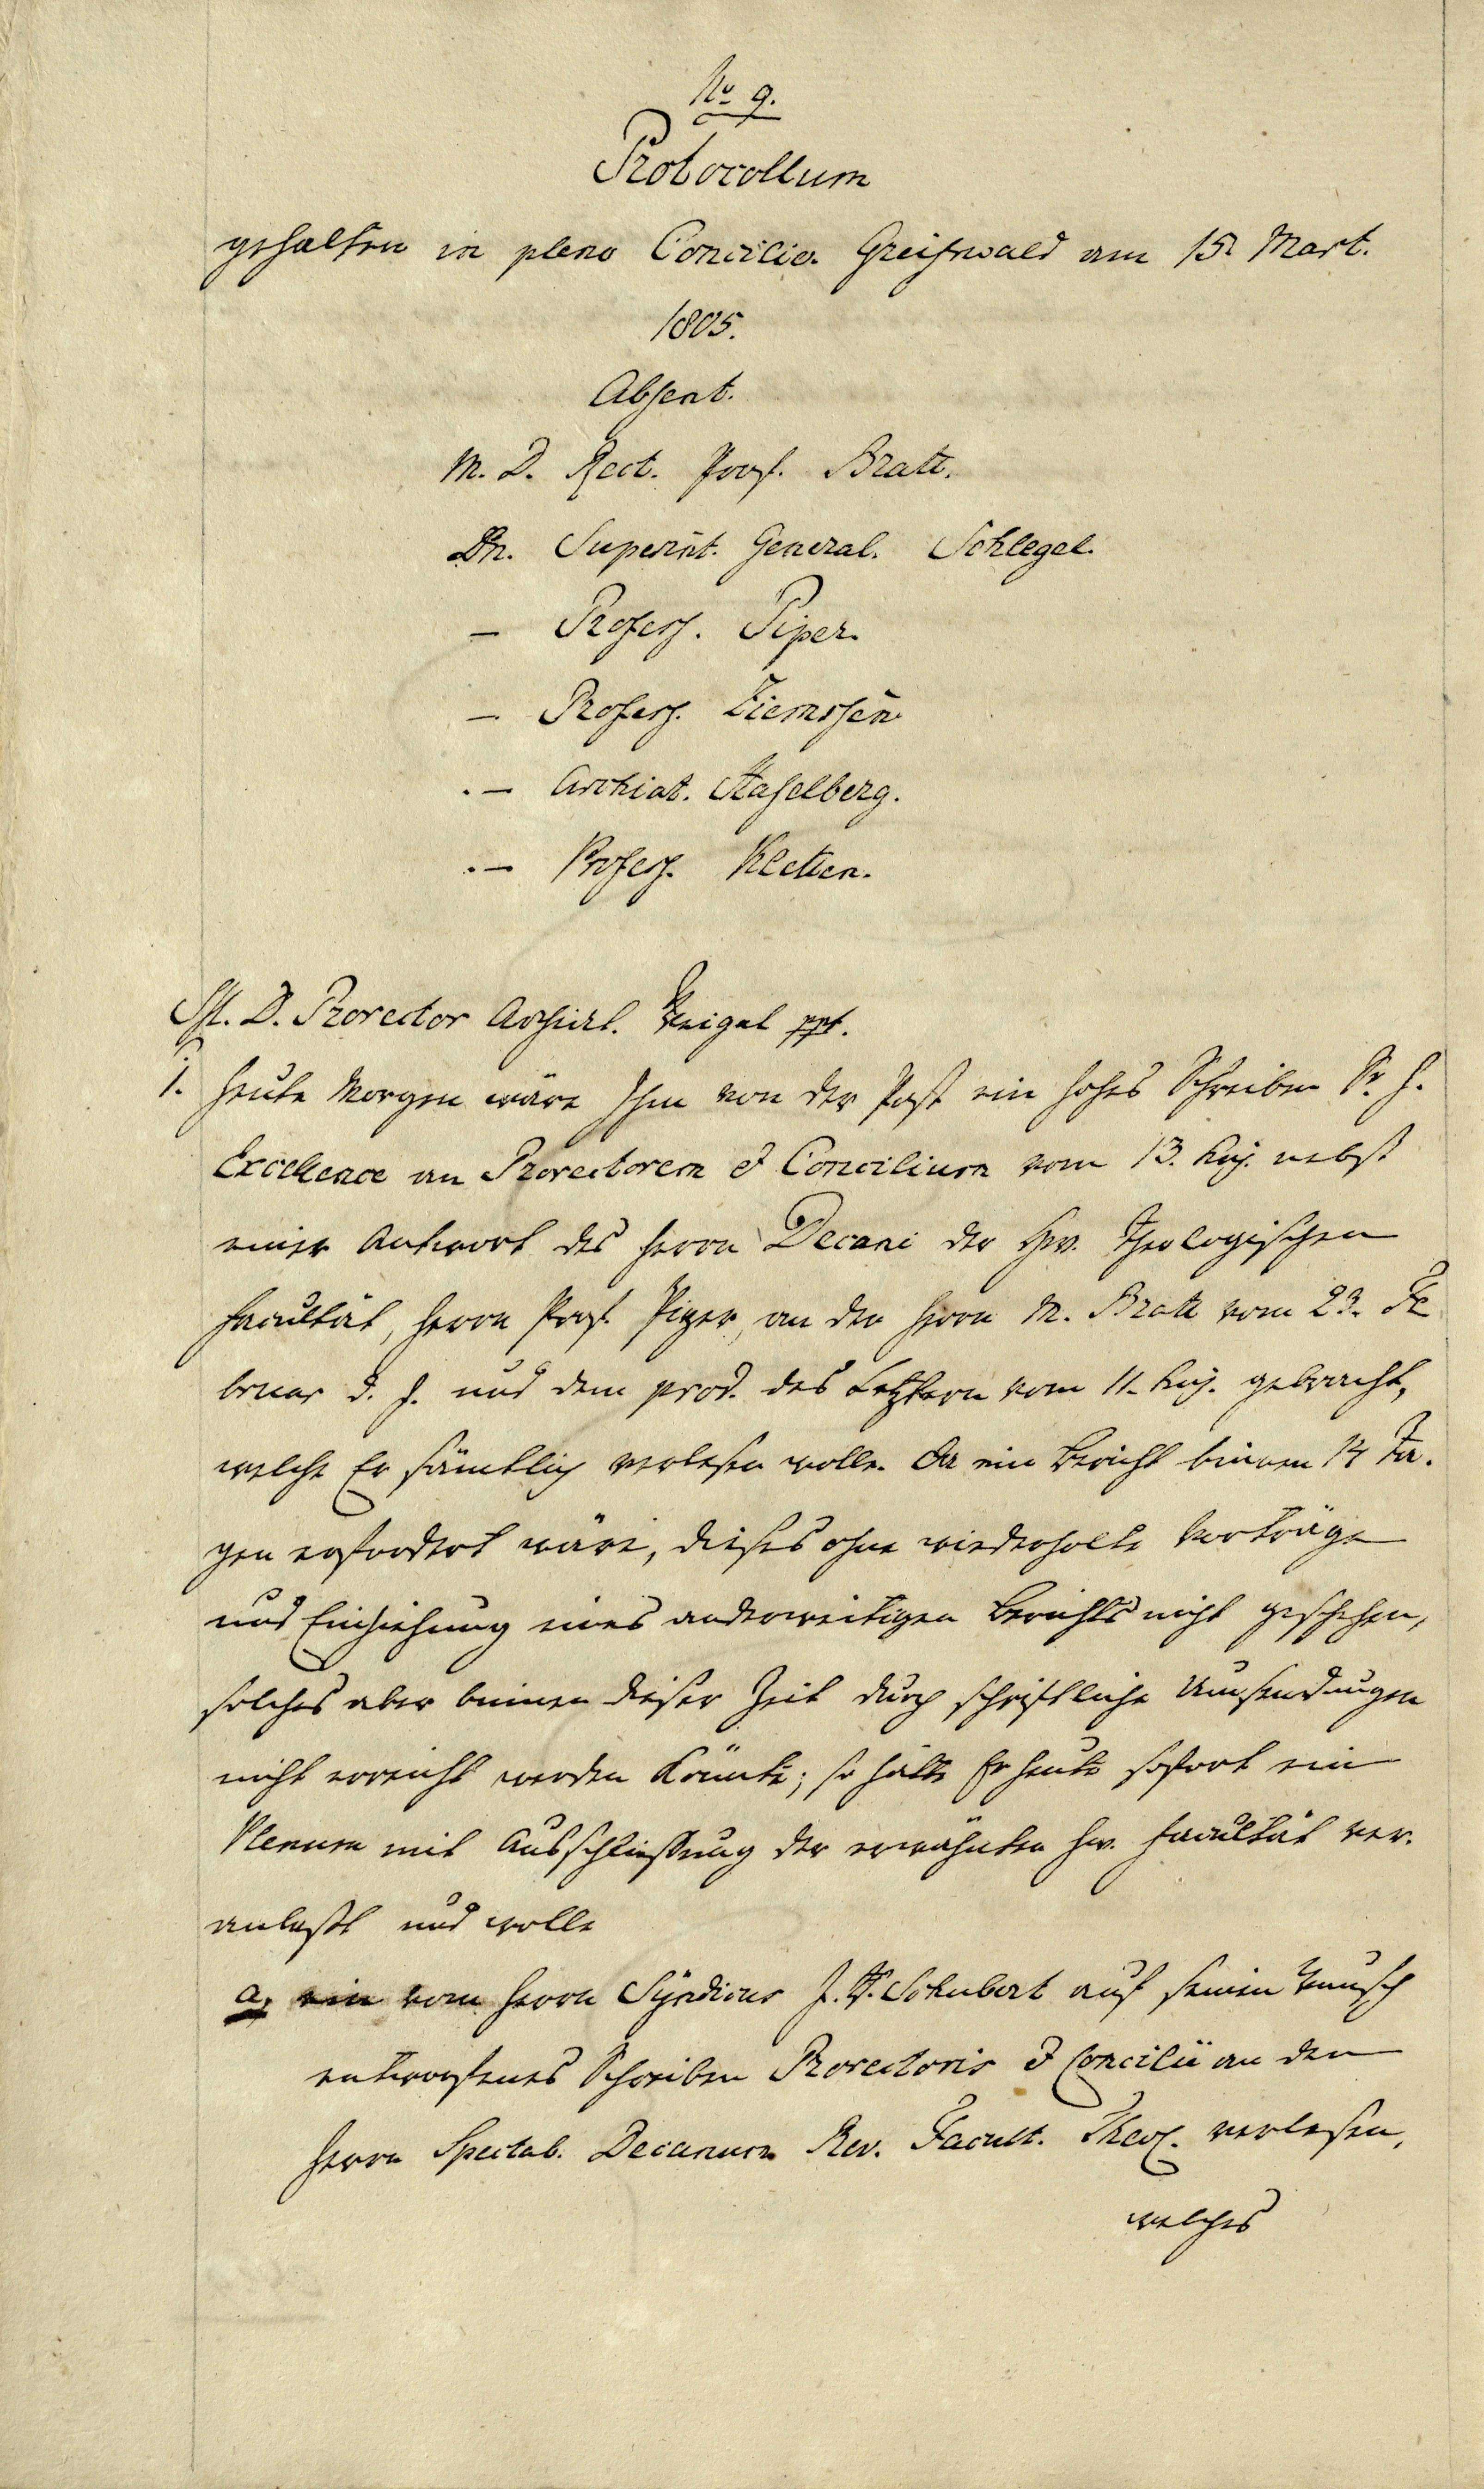No 9.
Protocollum
gehalten in pleno Concilio. Greifswald am 15 Mart.
1805.
Absent.
M. D. Rect. Prof. Bratt.
Dn. Superint. General. Schlegel.
Profess. Piper.
Profess. Ziemssen.
Archiat. Haselberg.
Profess. Kletten.
M. D. Prorector Archiat. Weigel ppt.
1. Heute Morgen wäre Ihm von der Post ein hohes Schreiben Sr h.
Excellence an Prorectorem et Concilium vom 13. huj. nebst
einer Antwort des Herrn Decani der Hw. Theologischen
Facultät, Herrn Prof. Piper an den Herrn M. Bratt vom 23. Fe¬
bruar d. J. und dem prod. des Letztern vom 11. huj. gebracht,
welche Er sämtlich verlesen wolle. Da ein Bericht binnen 14 Ta¬
gen erfordert wäre, dieses ohne wiederholte Vorträge
und Einziehung eines anderweitigen Berichts nicht geschehen,
solches aber binnen dieser Zeit durch schriftliche Umsendugen
nicht erreicht werden könnte; so hätte Er heute sofort ein
Plenum mit Ausschließung der erwähnten hw. Facultät ver¬
anlaßt und wolle
a. ein vom Herrn Sÿndicus J. R. Schubert auf seinen Wunsch
entworfenes Schreiben Prorectoris et Concilii an den
Herrn Spectab. Decanum Rer. Facult. Theol. verlesen,
welches